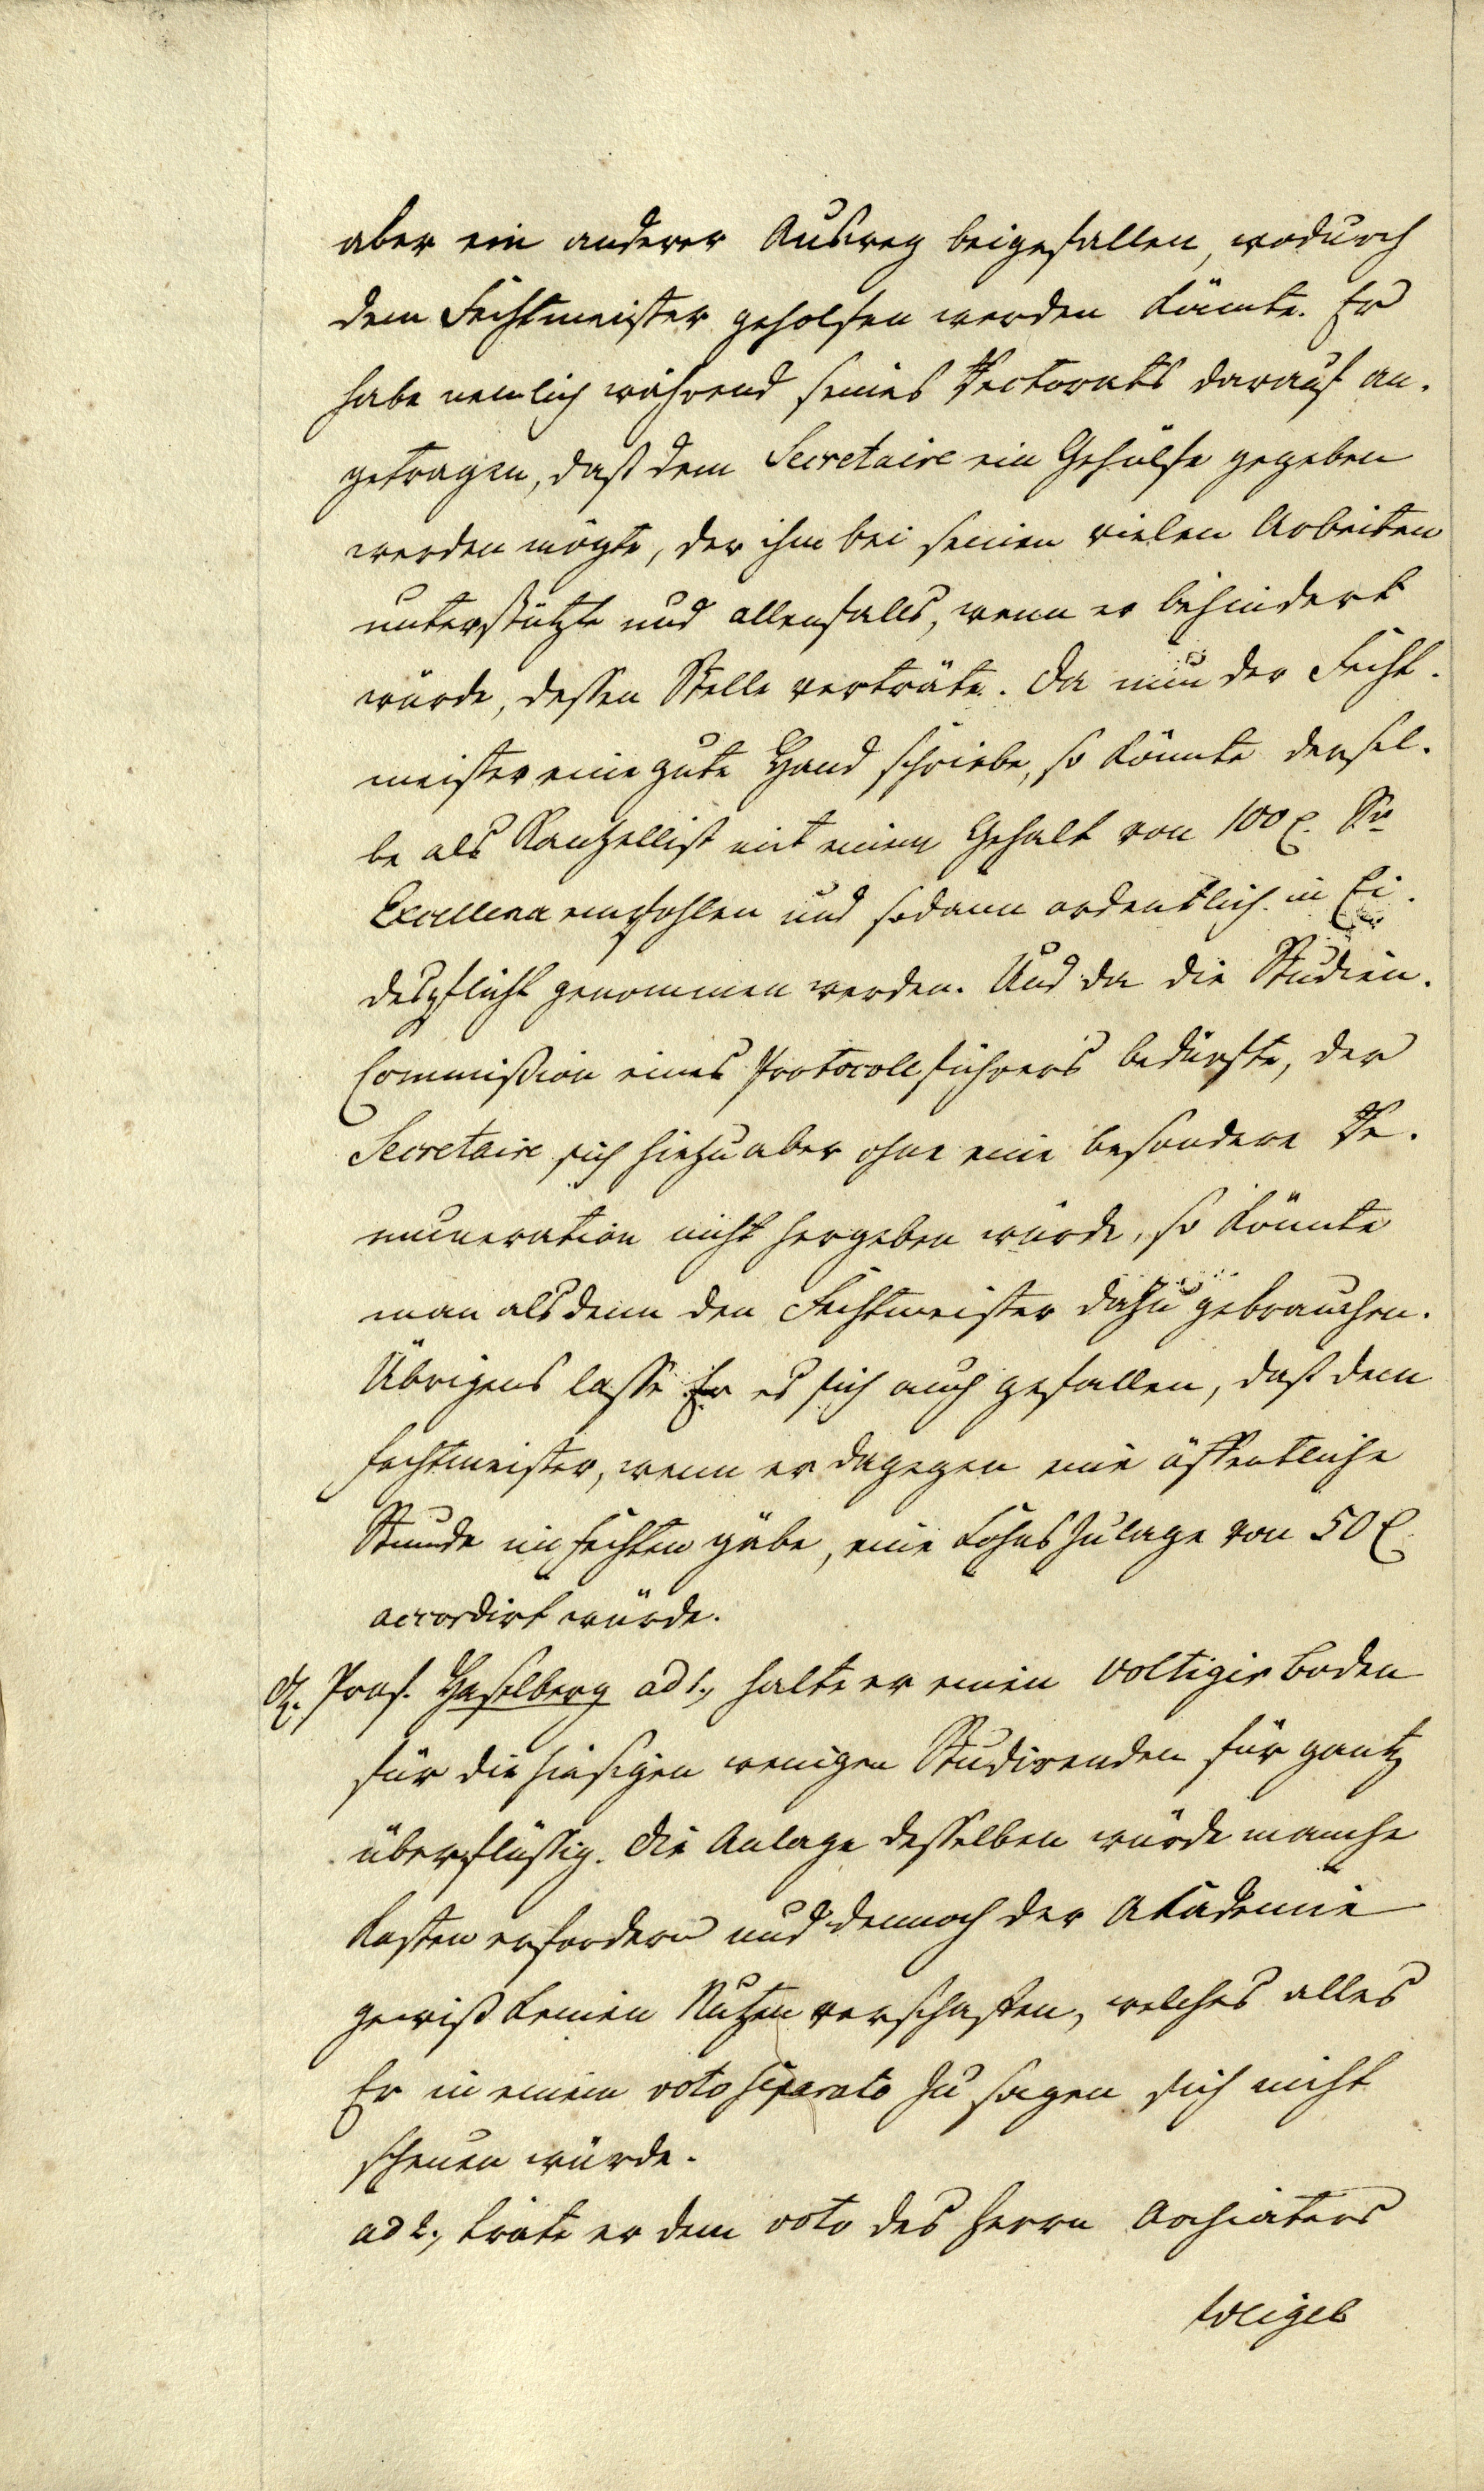aber ein anderer Ausweg beigefallen, wodurch
dem Fechtmeister geholfen werden könnte. Er
habe nemlich während seines Rectorats darauf an¬
getragen, daß dem Secretaire ein Gehülfe gegeben
werden mögte, der ihm bei seinen vielen Arbeiten
unterstützte und allenfalls, wenn er behindert
würde, dessen Stelle verträte. Da nun der Fecht¬
meister eine gute Hand schriebe, so könnte dersel¬
be als Kanzellist mit einem Gehalt von 100 l. Sr
Excellence empfohlen und sodann ordentlich in Ei¬
despflicht genommen werden. Und da die Studien¬
Commission eines Protocollführers bedürfte, der
Secretaire sich hiezu aber ohne eine besondere Re¬
muneration nicht hergeben würde, so könnte
man als denn den Fechtmeister dazu gebrauchen.
Übrigens lasse Er es sich auch gefallen, daß dem
Fechtmeister, wenn er dagegen eine öffentliche
Stunde im Fechten gäbe, eine Lohnszulage von 50 l.
accordirt würde.
dh. Prof. Haselberg ad 1., halte er einen Voltigir Boden
für die hiesigen wenigen Studirenden für gantz
überflüssig. Die Anlage desselben würde manche
Kosten erfordern und dennoch der Akademie
gewiß keinen Nutzen verschaffen, welches alles
Er in einem voto separato zu sagen sich nicht
scheuen würde.
ad 2., träte er dem voto des Herrn Archiaters
Weigel